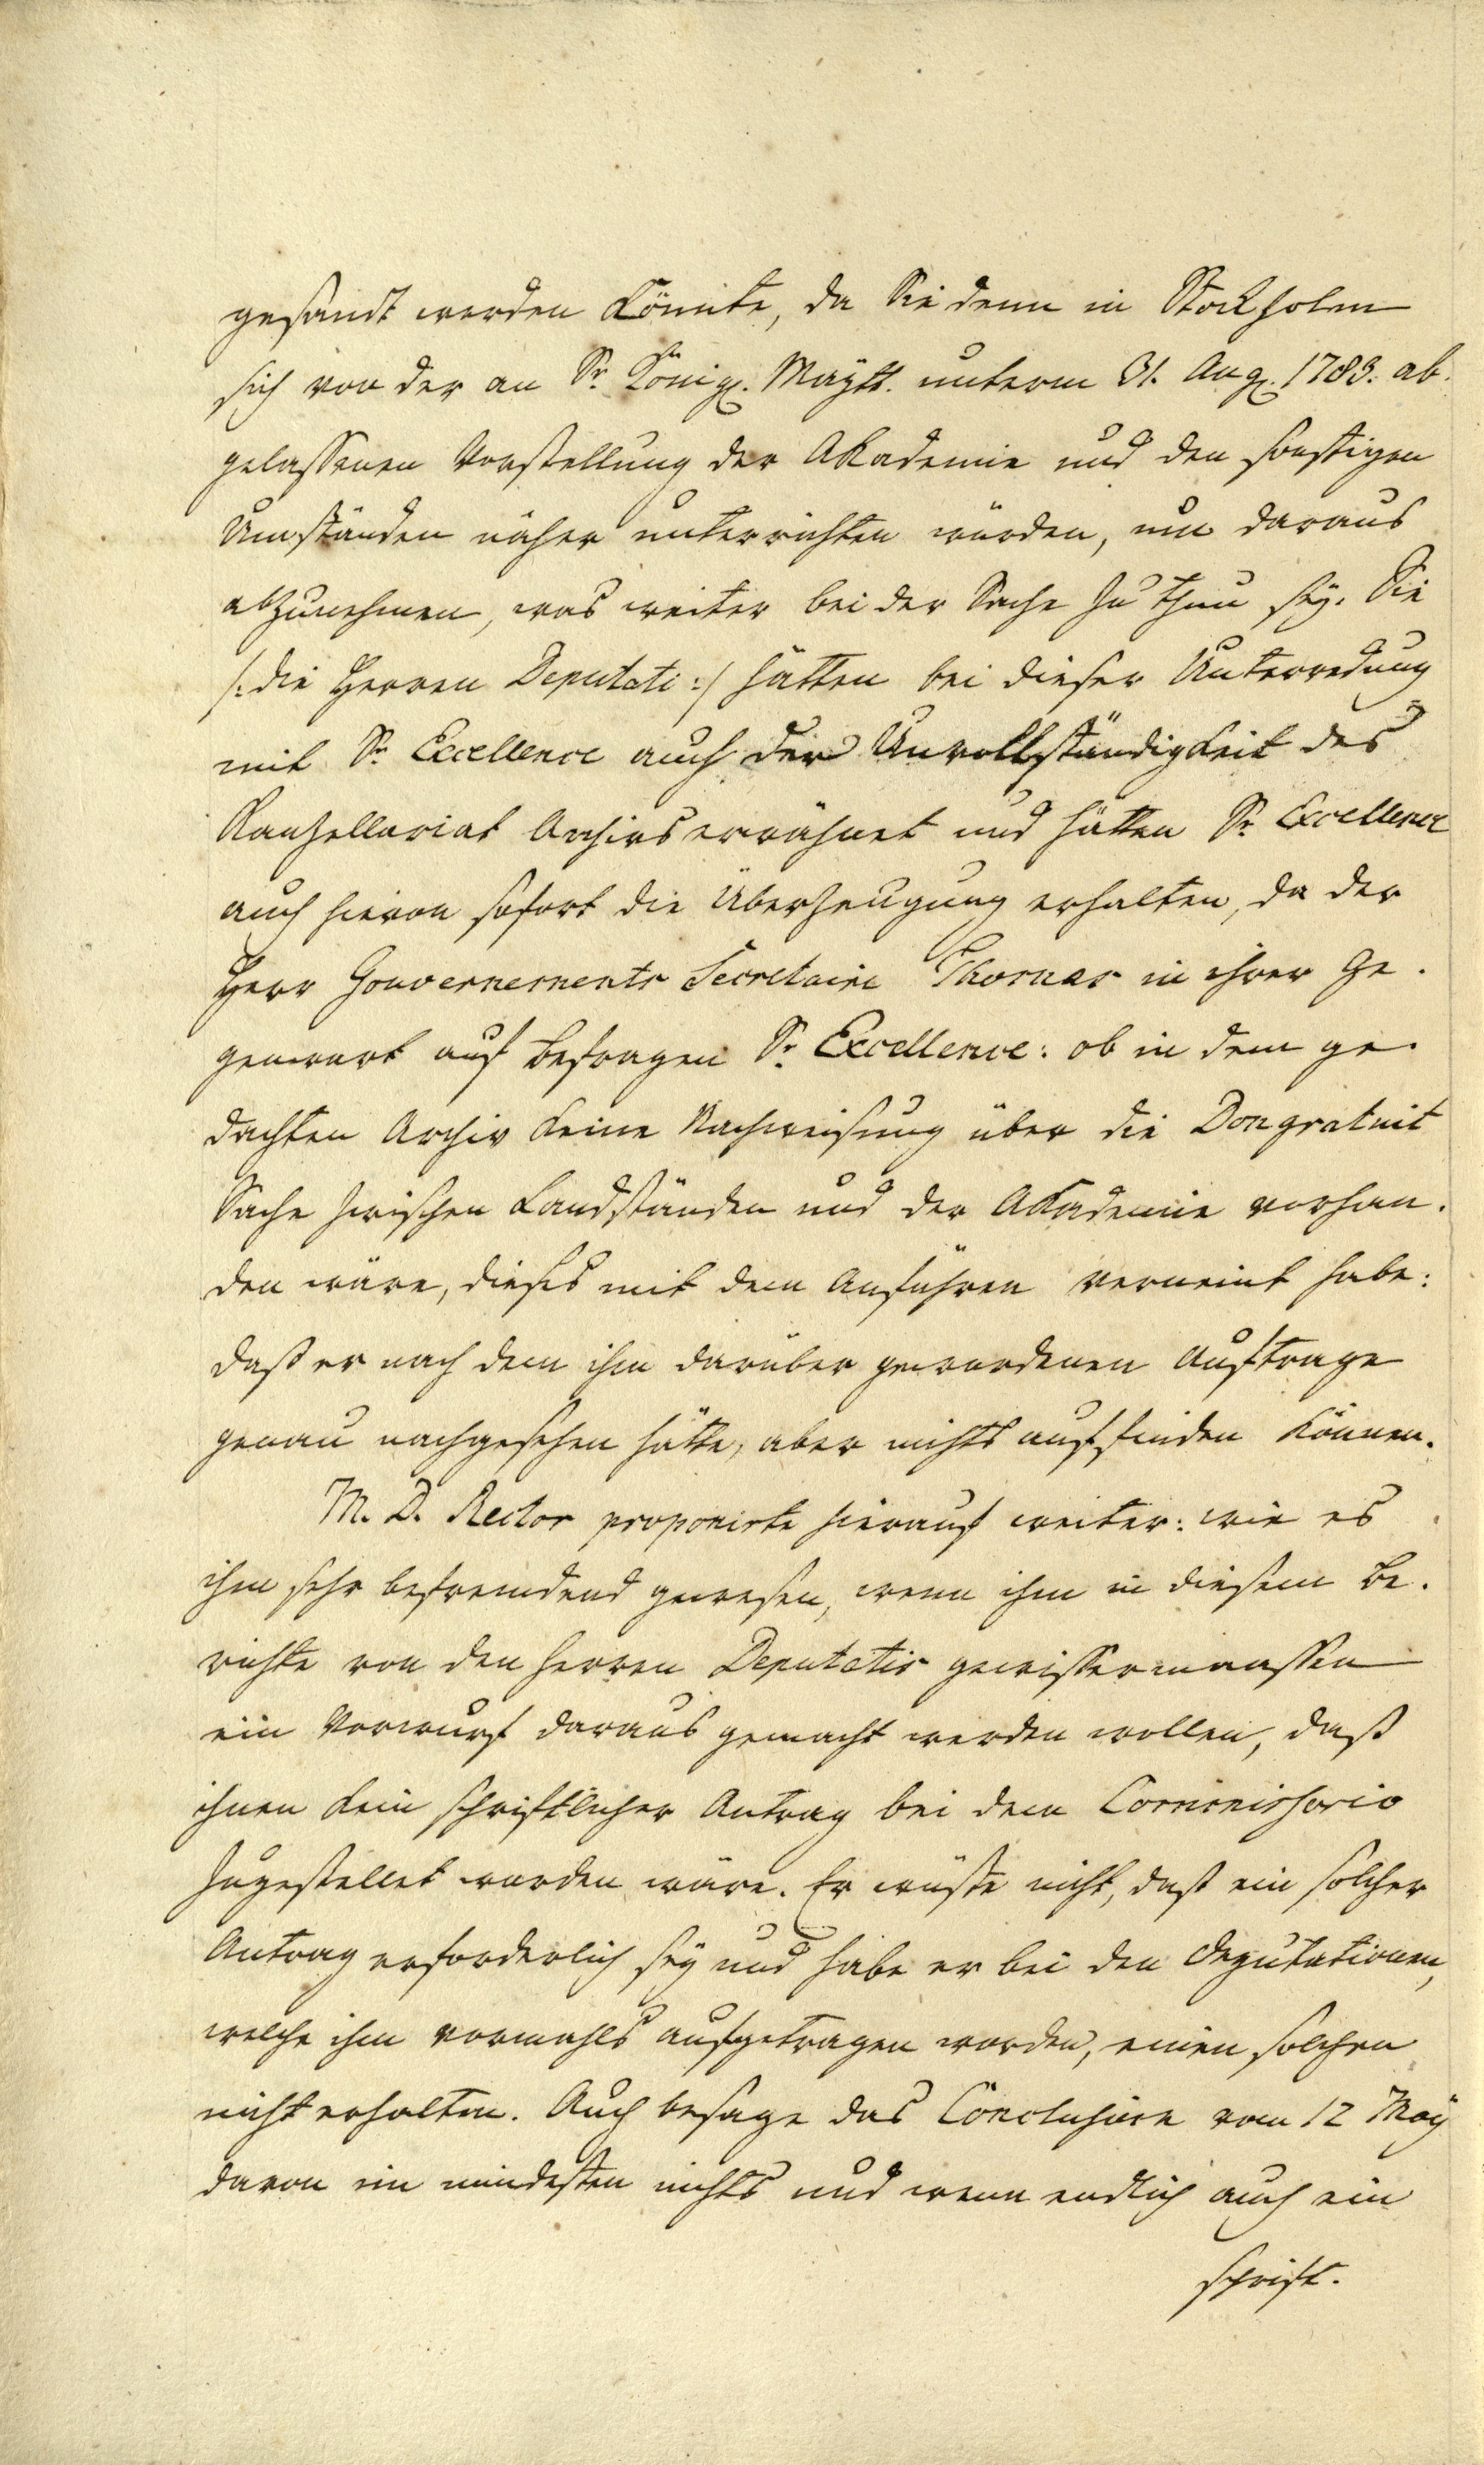gesandt werden könnte, da Sie denn in Stockholm
sich von der an Sr. Königl. Maÿtt. unterm 31. Aug. 1783. ab¬
gelassenen Vorstellung der Akademie und den sonstigen
Umständen näher unterrichten würden, um daraus
abzunehmen, was weiter bei der Sache zu thun seÿ. Sie
/ die Herren Deputati / hätten bei dieser Unterredung
mit Sr. Excellence auch der Unvollständigkeit des
Kanzellariat Archivs erwähnet und hätten Sr. Excellence
auch hievon sofort die Überzeugung erhalten, da der
Herr Gouvernements Secretaire Thomas in ihrer Ge¬
genwart auf Befragen Sr. Excellence: ob in dem ge¬
dachten Archiv keine Nachweisung über die Don gratuit
Sache zwischen Landständen und der Akademie vorhan¬
den wäre, dieses mit dem Anführen verneint habe:
daß er nach dem ihm darüber gewordenen Auftrage
genau nachgesehen hätte, aber nichts auffinden können.
M. D. Rector proponirte hierauf weiter: wie es
ihm sehr befremdend gewesen, wenn ihm in diesem Be¬
richte von den herren Deputatis gewissermaassen
ein Vorwurf daraus gemacht werden wollen, daß
ihnen kein schriftlicher Antrag bei dem Commissario
zugestellet worden wäre. Er wüste nicht, daß ein solcher
Antrag erforderlich seÿ und habe er bei den Deputationen,
welche ihm vormahls aufgetragen worden, einen solchen
nicht erhalten.Auch besage das Conclusum vom 12. Maÿ
davon im mindesten nichts und wenn endlich auch ein
schrift.